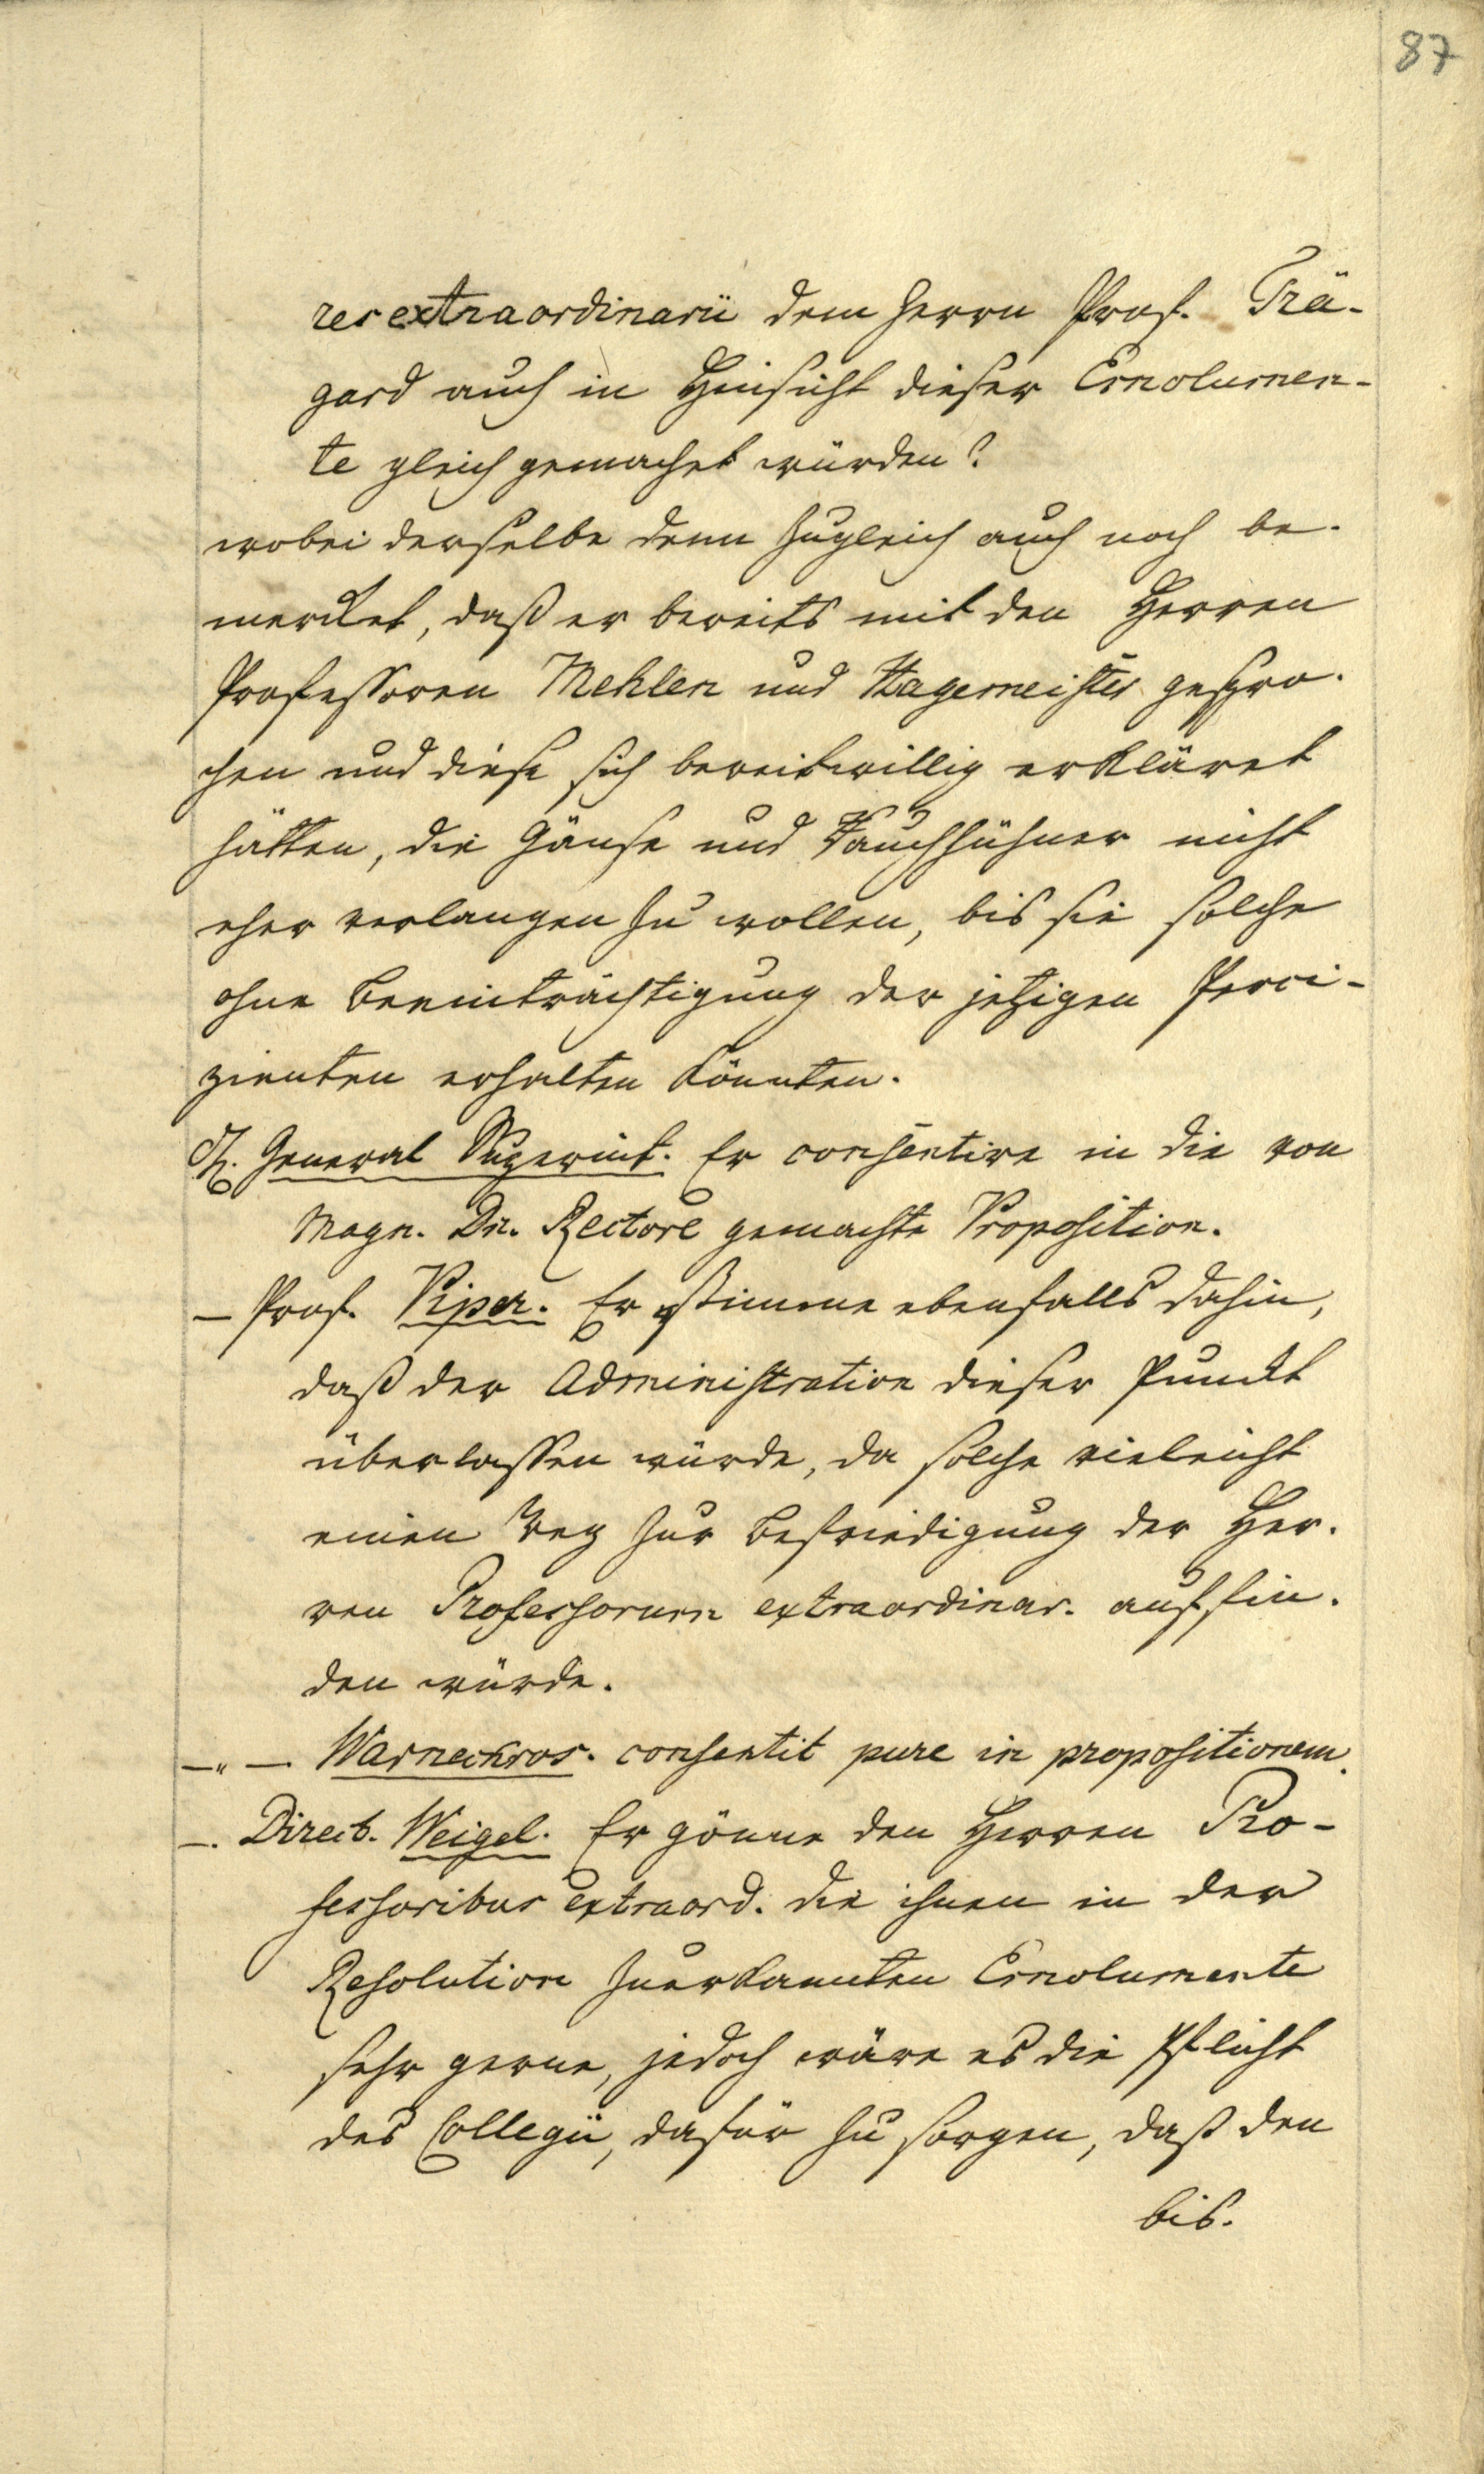res extraordinarii dem Herrn Prof. Trä¬
gard auch in Hinsicht dieser Emolumen-
te gleich gemachet würden?
wobei derselbe denn zugleich auch noch be¬
mercket, daß er bereits mit den Herren
Professoren Mehlen und Hagemeister gespro¬
chen und diese sich bereitwillig erkläret
hätten, die Gänse und Rauchhühner nicht
eher verlangen zu wollen, bis sie solche
ohne Beeinträchtigung der jetzigen Perci¬
pienten erhalten könnten.
dh. General Superint. Er consentire in die von
Magn. Dn. Rectore gemachte Proposition.
Prof. Piper. Er stimme ebenfalls dahin,
daß der Administration dieser Punckt
überlassen würde, da solche vieleicht
einen Weg zur Befriedigung der Her¬
ren Professorum extraordinar. auffin¬
den würde.
Warneckros. consentit pure in propostionem.
Direct. Weigel. Er gönne den Herren Pro¬
fessoribus extraord. die ihnen in der
Resolution zuerkannten Emolumente
sehr gerne, jedoch wäre es die Pflicht
des Collegii, dafür zu sorgen, daß den
bis-